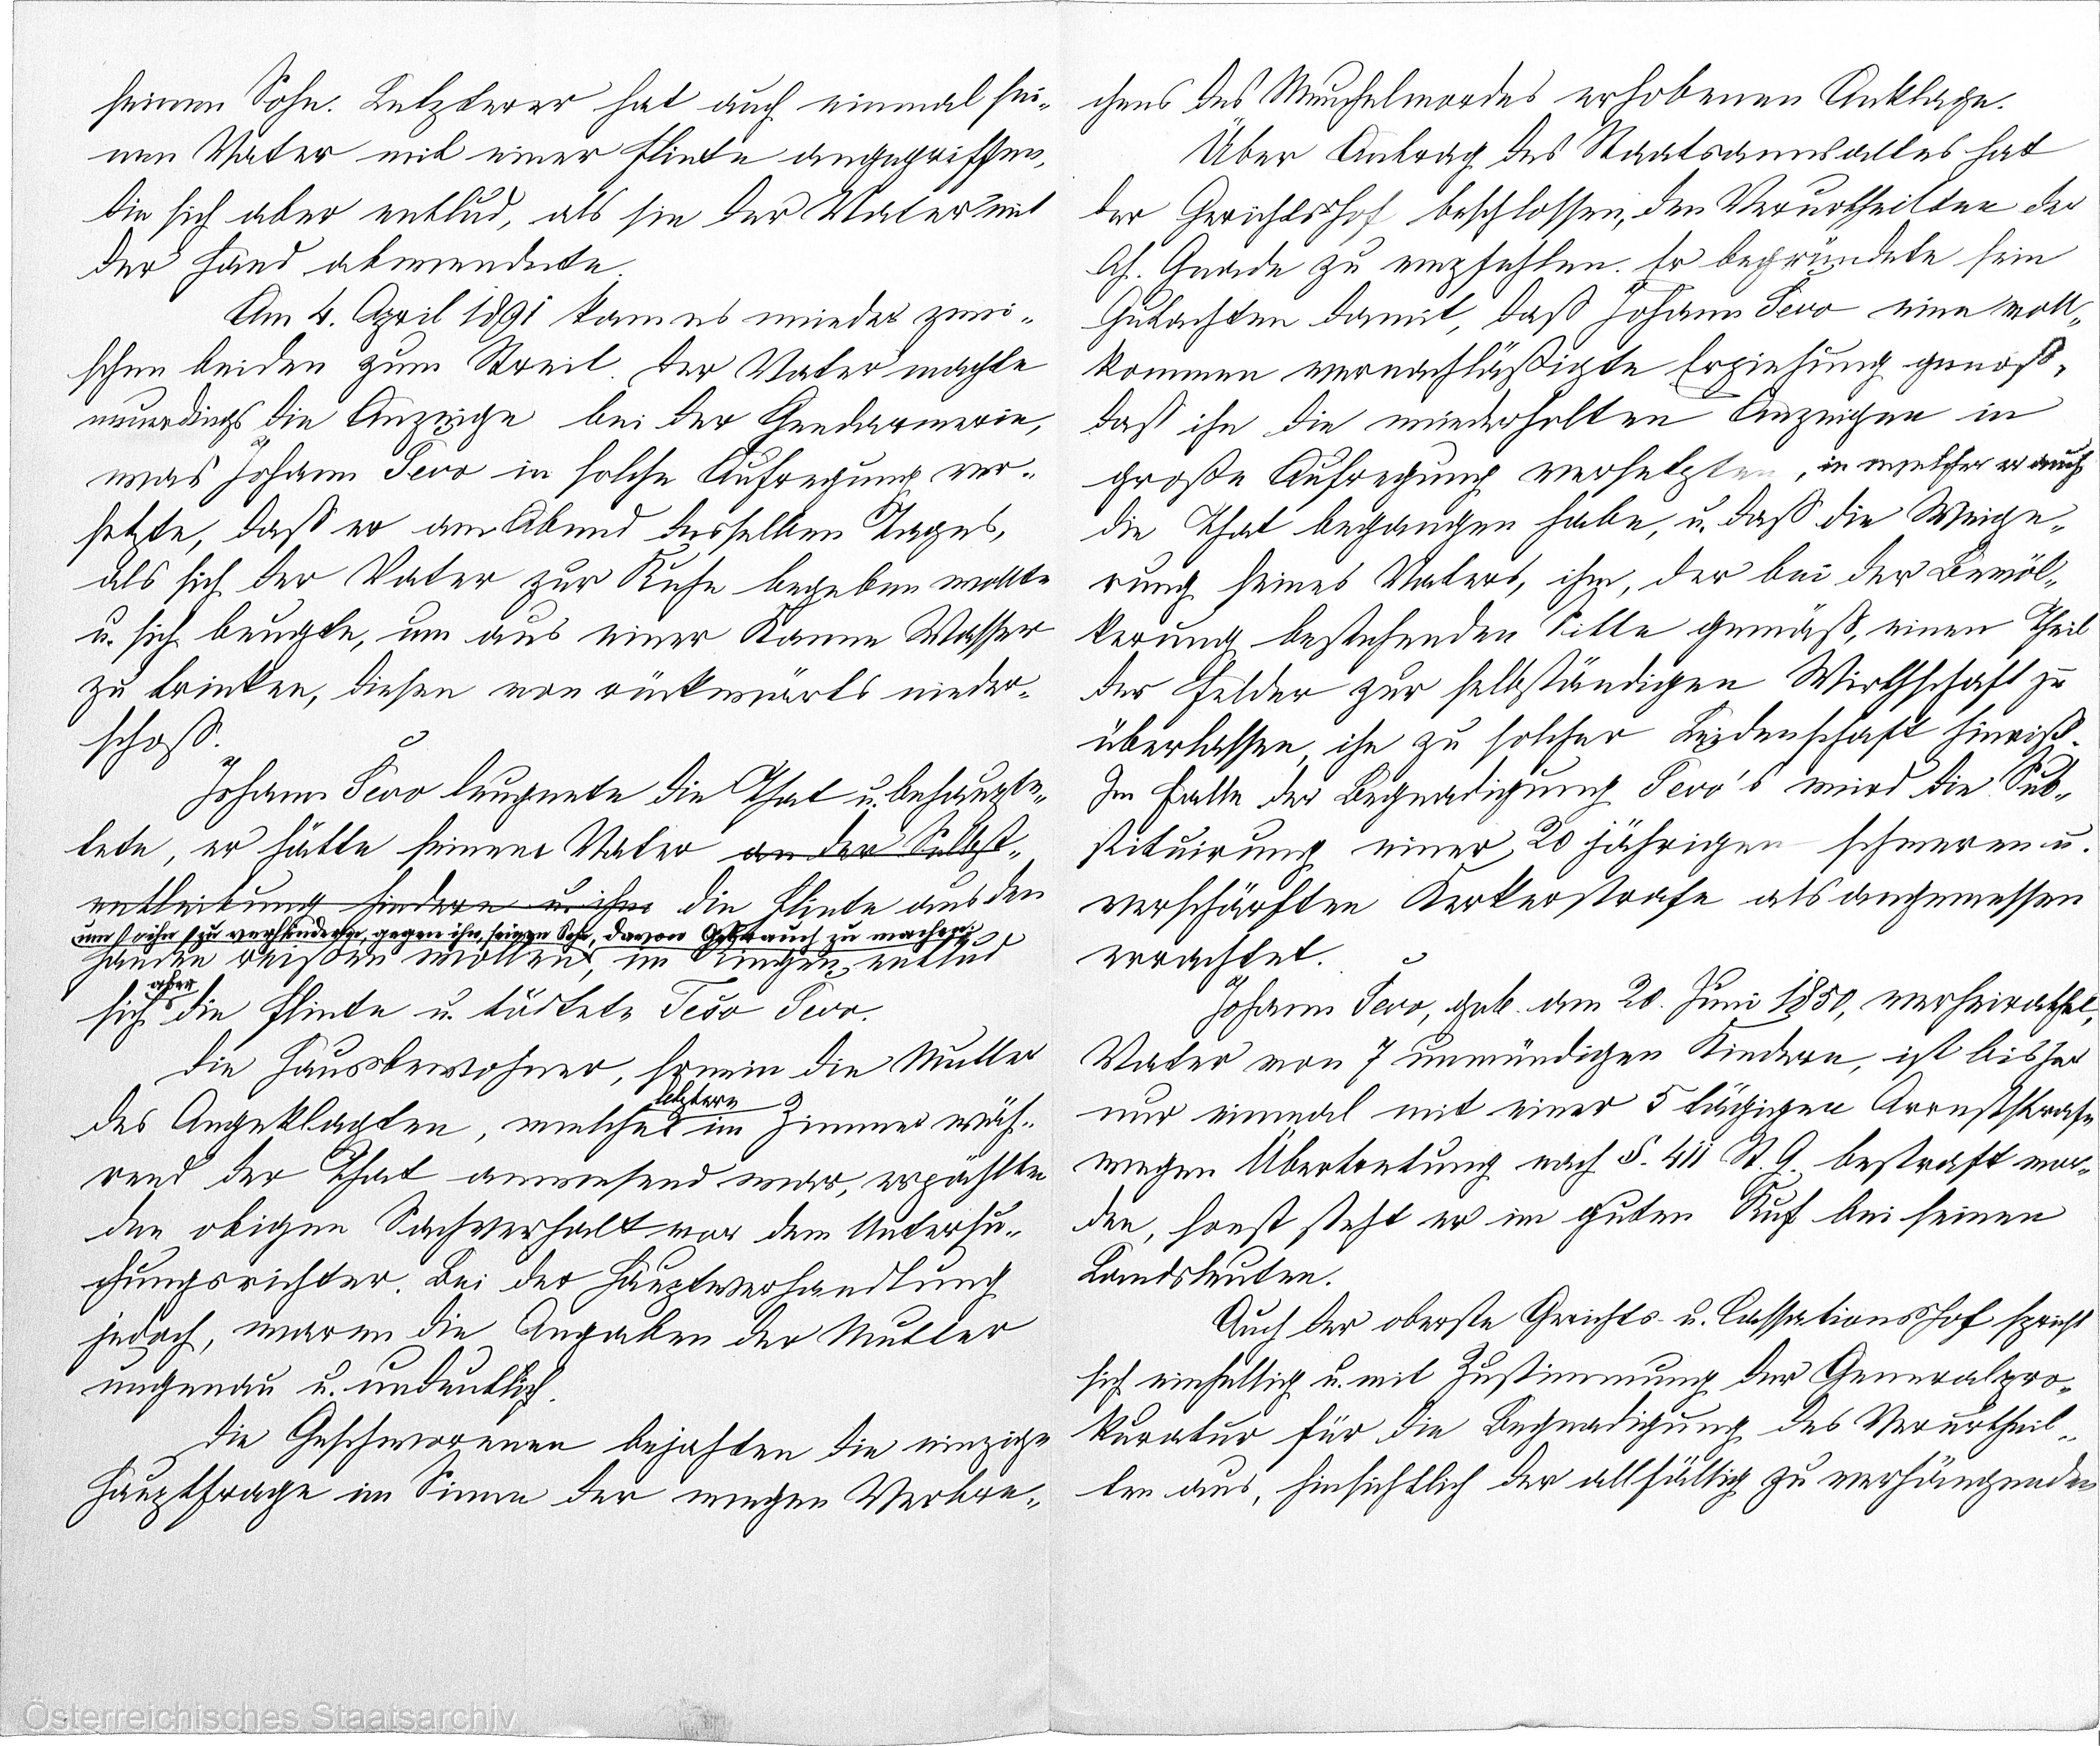seinen Sohn. Letzterer hat auch einmal sei¬
nen Vater mit einer Flinte angegriffen,
die sich aber entlud, als sie der Vater mit
der Hand abwendete.
Am 4. April 1891 kam es wieder zwi¬
schen beiden zum Streit. Der Vater machte
neuerdings die Anzeige bei der Gendarmerie,
was Johann Ševo in solche Aufregung ver¬
setzte, daß er am Abend desselben Tages,
als sich der Vater zur Ruhe begaben wollte
u sich beugte, um aus einer Kanne Wasser
zu trinken, diesen von rückwärts nieder¬
schoß.
Johann Ševo leugnete die That u. behaup¬
tete, er hätte seines Vater an der Selbst¬
entleibung hindern u. ihm die Flinte aus den
um ihm zu verhindern, gegen ihn, seinen Sohn, davon Gebrauch zu machen,
Händen reißen wollen, im Ringen entlud
Aber
sich die Flinte u. tödtete Tešo Ševo.
Die Hausbewohner, sowie die Mutter
Letztere
des Angeklagten, welche im Zimmer wäh¬
rend der That anwesend war, erzählten
den obigen Sachverhalt vor dem Untersu¬
chungsrichter. Bei der Hauptverhandlung
jedoch, waren die Angaben der Mutter
ungenau u. undeutlich.
Die Geschworenen bejahten die einzige
Hauptfrage im Sinne der wegen Verbre¬
chens des Meuchelmordes erhobenen Anklage.
Über Antrag des Staatsanwaltes hat
der Gerichtshof beschlossen, den Verurtheilten der
Ah. Gnade zu empfehlen. Er begründete sein
Gutachten damit, daß Johann Ševo eine voll¬
kommen vernachläßigte Erziehung genoß,
daß ihn die wiederholten Anzeigen in
große Aufregung versetzten, in welcher er auch
die That begangen habe, u. daß die Weige¬
rung seines Vaters, ihm, der bei der Bevöl¬
kerung bestehenden Sitte gemäß, einen Theil
der Felder zur selbständigen Wirtschaft zu
überlassen, ihn zu solcher Leidenschaft hinrieß.
In Falle der Begnadigung Ševo’s wird die Sub¬
stituirung einer 20jährigen schweren u.
verschärften Kerkerstrafe als angemessen
erachtet.
Johann Ševo, geb. am 20. Juni 1850, verheirathet,
Vater von 7 unmündigen Kindern, ist bisher
nur einmal mit einer 5tägigen Arreststrafe
wegen Übertretung nach §411 St. G bestraft wor¬
den, sonst steht er im guten Ruf bei seinen
Landsleuten.
Auch der oberste Gerichts- u. Cassationshof spricht
sich einhellig u. mit Zustimmung der Generalpro¬
kuratur für die Begnadigung des Verurtheil¬
ten aus, hinsichtlich der allfällig zu verhängenden